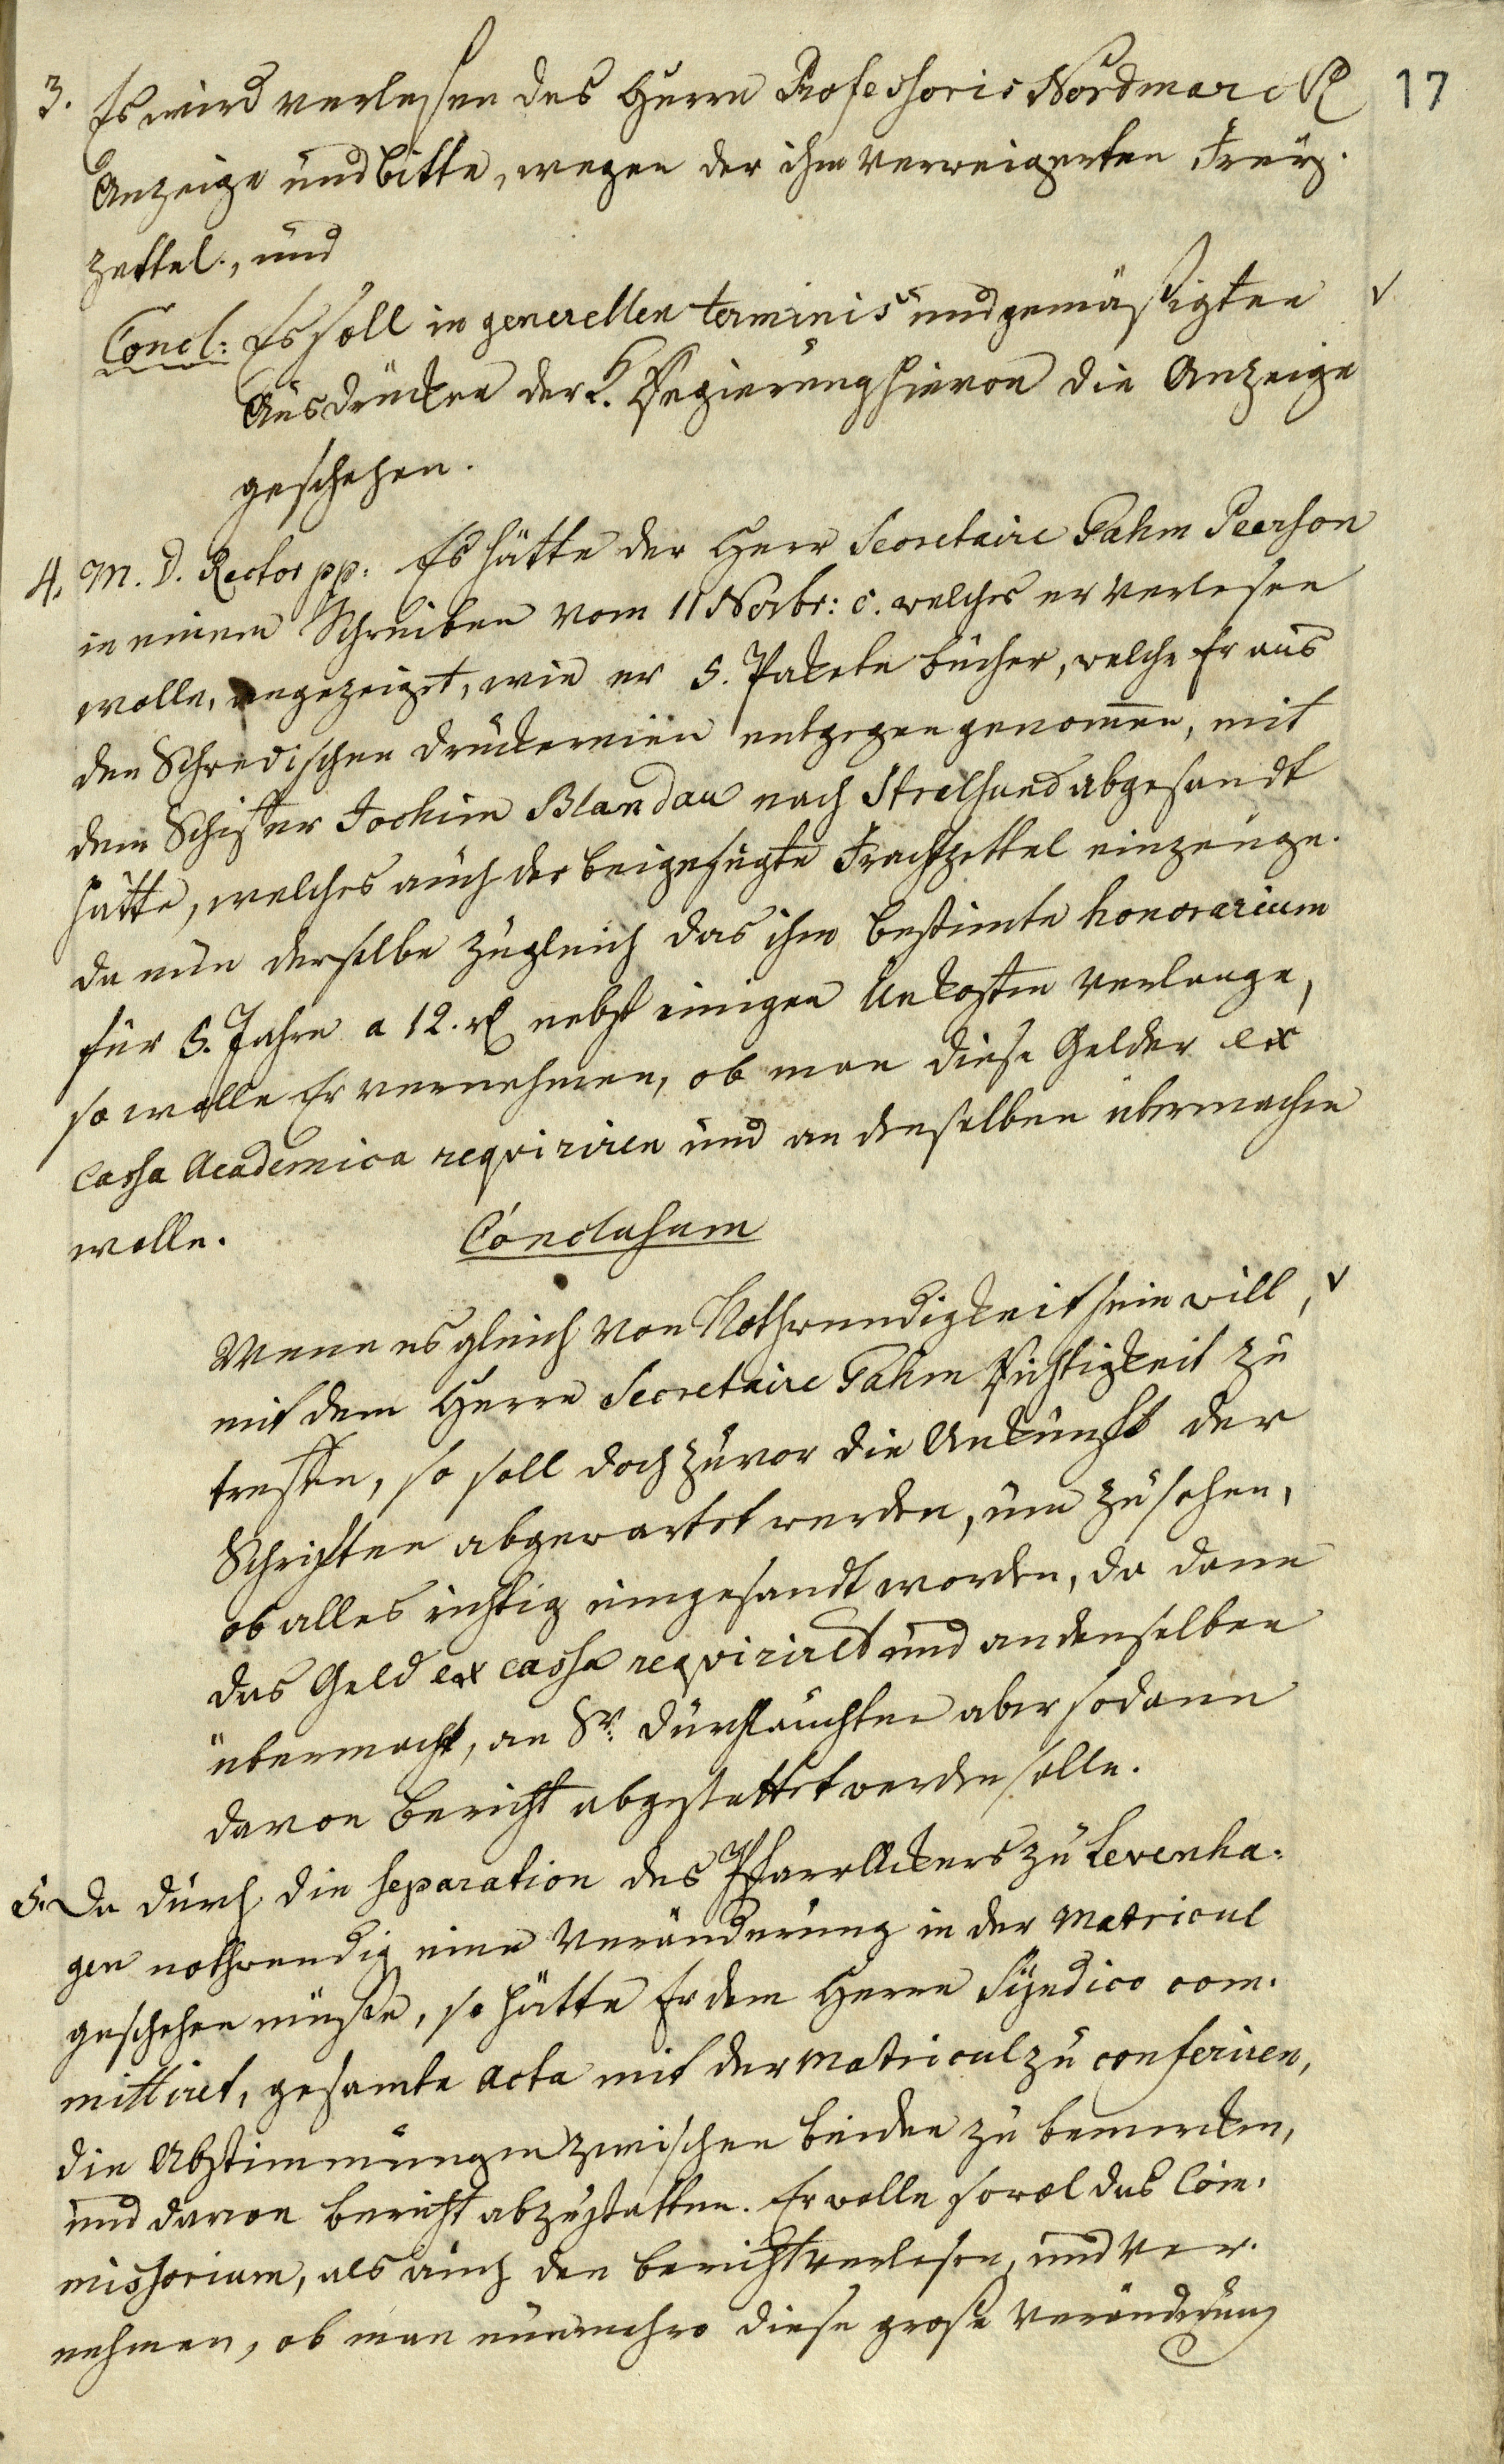3. Es wird verlesen des Herrn Professoris Nordmarck
Anzeige und Bitte, wegen der ihm verweigerten Freÿ¬
zettel, und
Concl. Es soll in generellen terminis und gemäßigten
Ausdrücken der K. Regierung hievon die Anzeige
geschehen.
4. M. D. Rector pp. Es hätte der Herr Secretaire Gahm Peerson
in einem Schreiben vom 11. Novbr. c. welches er verlesen
wolle, angezeiget, wie er 5. Pakete Bücher, welche Er aus
den Schwedischen Druckereien entgegengenomen, mit
dem Schiffer Joachim Blandau nach Stralsund abgesandt
hätte, welches auch der beigefügte Frachtzettel einzeuge.
Da nun derselbe zugleich das ihm bestimte honorarium
für 5. Jahre a 12. r. nebst einigen Unkosten verlange,
so wolle Er vernehmen, ob man diese Gelder ex
Cassa Academica requiriren und an denselben übermachen
wolle. Conclusum
Wenn es gleich von Nothwendigkeit sein will,
mit dem Herrn Secretaire Gahm Richtigkeit zu
treffen, so soll doch zuvor die Ankunft der
Schriften abegewartet werden, um zu sehen,
ob alles richtig eingesandt worden, da dann
das Geld ex cassa requiriret und an denselben
übermacht, an Sr. Durchlauchten aber sodann
davon Bericht abgestattet werden solle.
5. Da durch die Separation des PfarrAckers zu Levenha¬
gen nothwendig eine Veränderung in der Matricul
geschehen müße, so hätte Er dem Herrn Sÿndico com¬
mittiret, gesamte Acta mit der Matricul zu conferiren,
die Abstimmungen zwischen beiden zu bemercken,
und davon Bericht abzustatten. Er wolle sowol das Com¬
missorium, als auch den Bericht verlesen, und ver¬
nehmen, ob man nunmehr diese große Veränderung